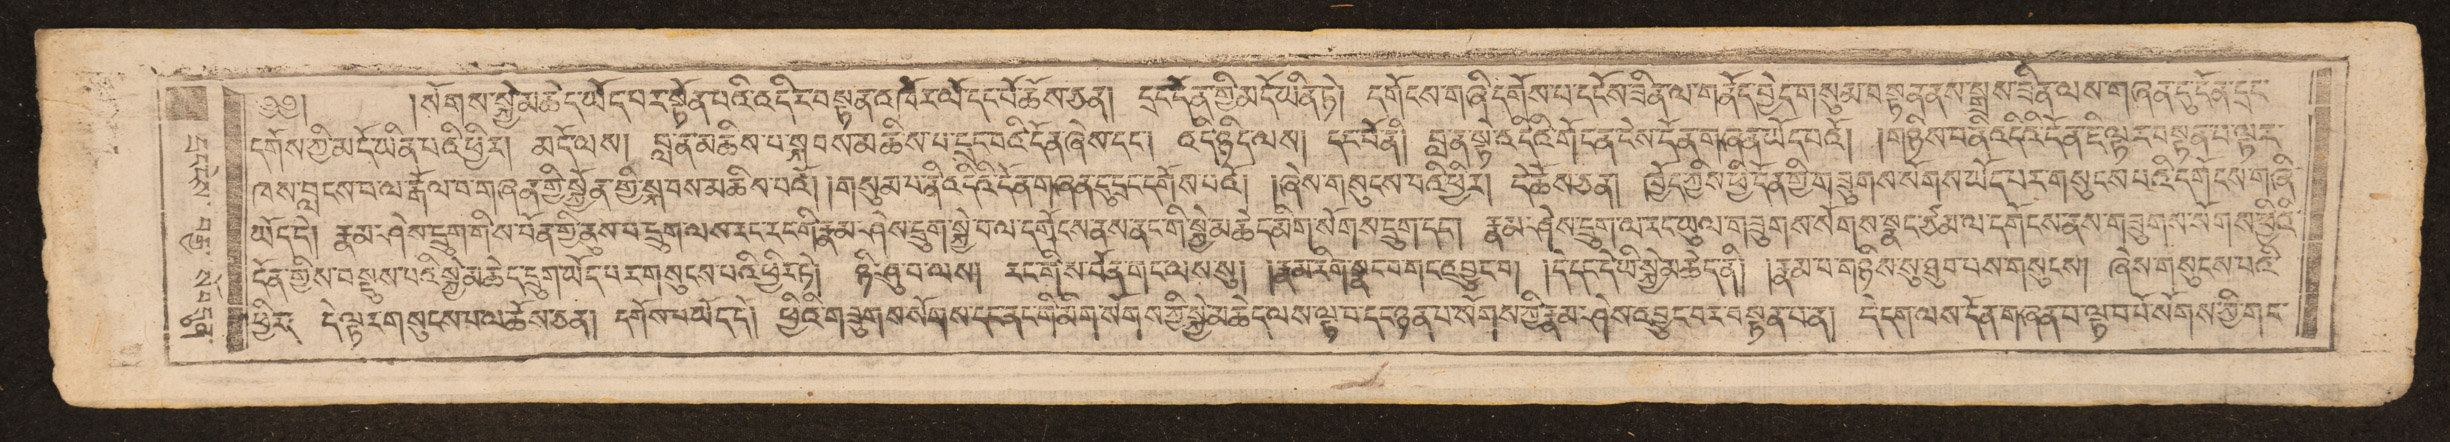༄༅། །སོགས་སྐྱེ་མཆེད་ཡོད་བར་སྟོན་པའི་འདིར་བསྟན་འཁོར་ལོ་དང་པོ་ཆོས་ཅན། དྲང་དོན་གྱི་མདོ་ཡིན་ཏེ། དགོངས་གཞི་དགོས་པ་དངོས་ཟིན་ལ་གནོད་བྱེད་གསུམ་བསྟན་ནས་སྒྲས་ཟིན་ལས་གཞན་དུ་དོན་དྲང་
དགོས་ཀྱི་མདོ་ཡིན་བའི་ཕྱིར། མདོ་ལས། བླ་ན་མཆིས་བ་སྐབས་མཆིས་པ་དྲང་བའི་དོན་ཞེས་དང་། འདི་ཉིད་ལས། དང་པོ་ནི། བླ་ན་སྟེ་འདིའི་གོང་ན་ངེས་དོན་གཞན་ཡོད་བའོ། །གཉིས་བ་ནི་འདིའི་དོན་ཇི་ལྟར་བསྟན་པ་ལྟར་
ཁས་བླངས་བ་ལ་རྒོལ་བ་གཞན་གྱི་སྐྱོན་གྱི་སྐབས་མཆིས་པའོ། །གསུམ་པ་ནི་འདིའི་དོན་གཞན་དུ་དྲང་དགོས་པའོ། །ཞེས་གསུངས་པའི་ཕྱིར། དེ་ཆོས་ཅན། ཁྱོད་ཀྱིས་ཕྱི་དོན་གྱི་གཟུགས་སོགས་ཡོད་པར་གསུངས་པའི་དགོངས་གཞི་
ཡོད་དེ། རྣམ་ཤེས་དྲུག་གི་ས་བོན་གྱི་ནུས་པ་དྲུག་ལས་རང་རང་གི་རྣམ་ཤེས་དྲུག་སྐྱེ་བ་ལ་དགོངས་ནས་ནང་གི་སྐྱེ་མཆེད་མིག་སོགས་དྲུག་དང་། རྣམ་ཤེས་དྲུག་ལ་རང་ཡུལ་གཟུགས་སོགས་སྣང་ཙམ་ལ་དགོངས་ནས་གཟུགས་སོགས་ཕྱིའི་
དོན་གྱིས་བསྡུས་པའི་སྐྱེ་མཆེད་དྲུག་ཡོད་པར་གསུངས་བའི་ཕྱིར་ཏེ། ཉི་ཤུ་པ་ལས། རང་གི་ས་བོན་གང་ལས་སུ། །རྣམ་རིག་སྣང་བ་གང་འབྱུང་བ། །དེ་དང་དེ་ཡི་སྐྱེ་མཆེད་ནི། །རྣམ་པ་གཉིས་སུ་ཐུབ་པས་གསུངས། ཞེས་གསུངས་པའི་
ཕྱིར༑ དེ་ལྟར་གསུངས་པ་ལ་ཆོས་ཅན། དགོས་པ་ཡོད་དེ། ཕྱིའི་གཟུགས་སོགས་དང་ནང་གི་མིག་སོགས་ཀྱི་སྐྱེ་མཆེད་ལས་ལྟ་བ་དང་ཉན་པ་སོགས་ཀྱི་རྣམ་ཤེས་འབྱུང་བར་བསྟན་བ་ན། དེ་དག་ལས་དོན་གཞན་པ་ལྟ་བ་པོ་སོགས་ཀྱི་གང་